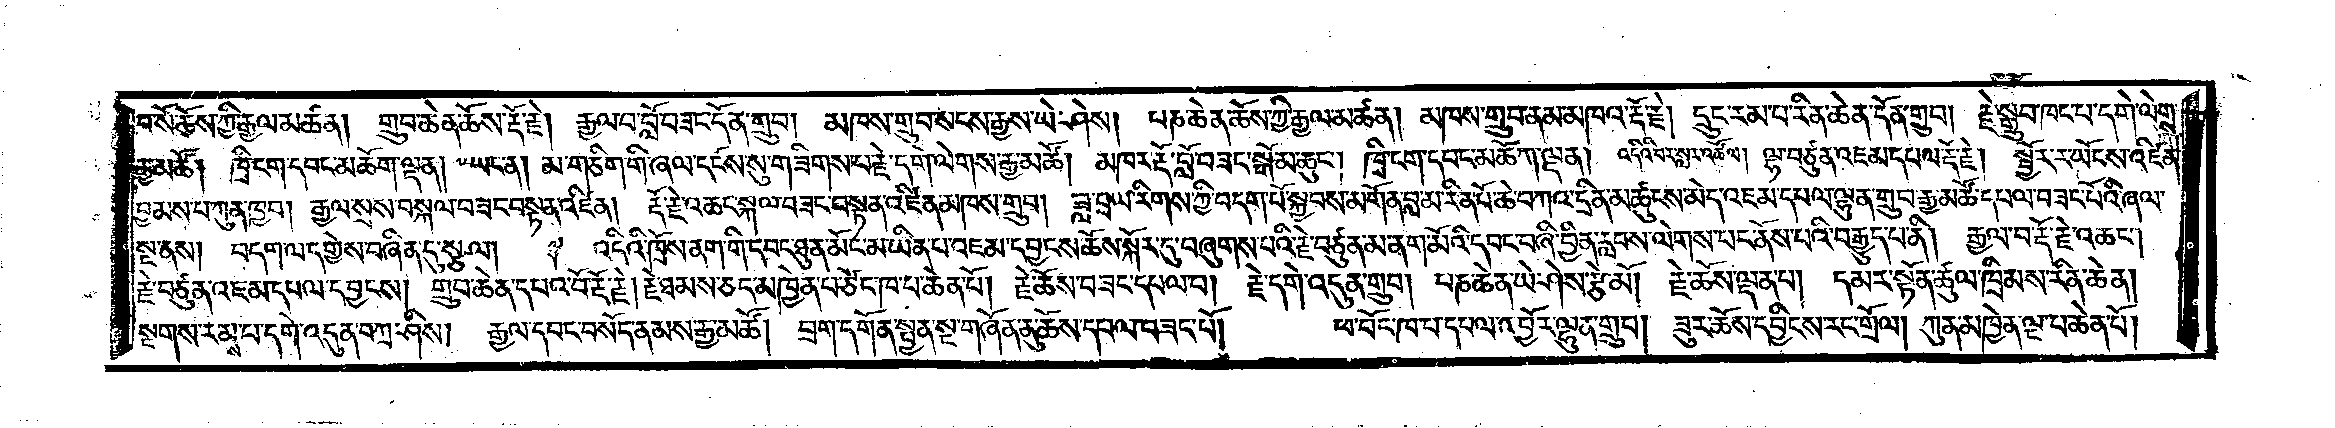བ་སོ་ཆོས་ཀྱི་རྒྱལ་མཚན། གྲུབ་ཆེན་ཆོས་རྡོ་རྗེ། རྒྱལ་བ་བློ་བཟང་དོན་གྲུབ། མཁས་གྲུབ་སངས་རྒྱས་ཡེ་ཤེས། པཎ་ཆེན་ཆོས་ཀྱི་རྒྱལ་མཚན། མཁས་གྲུབ་ནམ་མཁའ་རྡོ་རྗེ། དྲུང་རམ་པ་རིན་ཆེན་དོན་གྲུབ། རྗེ་སྒྲུབ་ཁང་པ་དགེ་ལེགས་
རྒྱ་མཚོ། ཁྲི་ངག་དབང་མཆོག་ལྡན། ཡང་ན། མ་གཅིག་གི་ཞལ་དངོས་སུ་གཟིགས་པ་རྗེ་དགེ་ལེགས་རྒྱ་མཚོ། མཁར་རྡོ་བློ་བཟང་སྒོམ་ཆུང་། ཁྲི་ངག་དབང་མཆོ་ཀ་ལྡན། འདིའི་བར་ཟླ་འཚོལ།  ལྷ་བཙུན་འཇམ་དཔལ་རྡོ་རྗེ། སྦྱོར་ར་ཡོངས་འཛིན་
བྱམས་པ་ཀུན་ཁྱབ། རྒྱལ་སྲས་བསྐལ་བཟང་བསྟན་འཛིན། རྡོ་རྗེ་འཆང་སྐལ་བཟང་བསྟན་འཛིན་མཁས་གྲུབ། ཟླ་བྲལ་རིགས་ཀྱི་བདག་པོ་སྐྱབས་མགོན་བླ་མ་རིན་པོ་ཆེ་བཀའ་དྲིན་མཚུངས་མེད་འཇམ་དཔལ་ལྷུན་གྲུབ་རྒྱ་མཚོ་དཔལ་བཟང་པོའི་ཞལ་
སྔ་ནས། བདག་ལ་དགྱེས་བཞིན་དུ་སྩལ། ༈ འདིའི་ཁྲོས་ནག་གི་དབང་ཐུན་མོང་མ་ཡིན་པ་འཇམ་དབྱངས་ཆོས་སྐོར་དུ་བཞུགས་པའི་རྗེ་བཙུན་མ་ནག་མོའི་དབང་བཞི་བྱིན་རླབས་ལེགས་པང་ནོས་པའི་བརྒྱུད་པ་ནི། རྒྱལ་པ་རྡོ་རྗེ་འཆང་།
རྗེ་བཙུན་འཇམ་དཔལ་དབྱངས། གྲུབ་ཆེན་དཔའ་བོ་རྡོ་རྗེ། རྗེ་ཐམས་ཅད་མཁྱེན་པ་ཙོང་ཁ་པ་ཆེན་པོ། རྗེ་ཆོས་བཟང་དཔལ་བ། རྗེ་དགེ་འདུན་གྲུབ། པཎ་ཆེན་ཡེ་ཤེས་རྩེ་མོ། རྗེ་ཆོས་ལྡན་པ། དམར་སྟོན་ཚུལ་ཁྲིམས་རིན་ཆེན།
སྔགས་རམས་པ་དགེ་འདུན་བཀྲ་ཤིས། རྒྱལ་དབང་བསོད་ནམས་རྒྱ་མཚོ། བྲག་དགོན་སྤྱན་སྔ་གཞོན་ནུ་ཆོས་དཔལ་བཟང་པོ། ཕ་བོང་ཁ་བ་དཔལ་འབྱོར་ལྷུན་གྲུབ། ཟུར་ཆོས་དབྱིངས་རང་གྲོལ། ཀུན་མཁྱེན་ལྔ་པ་ཆེན་པོ།